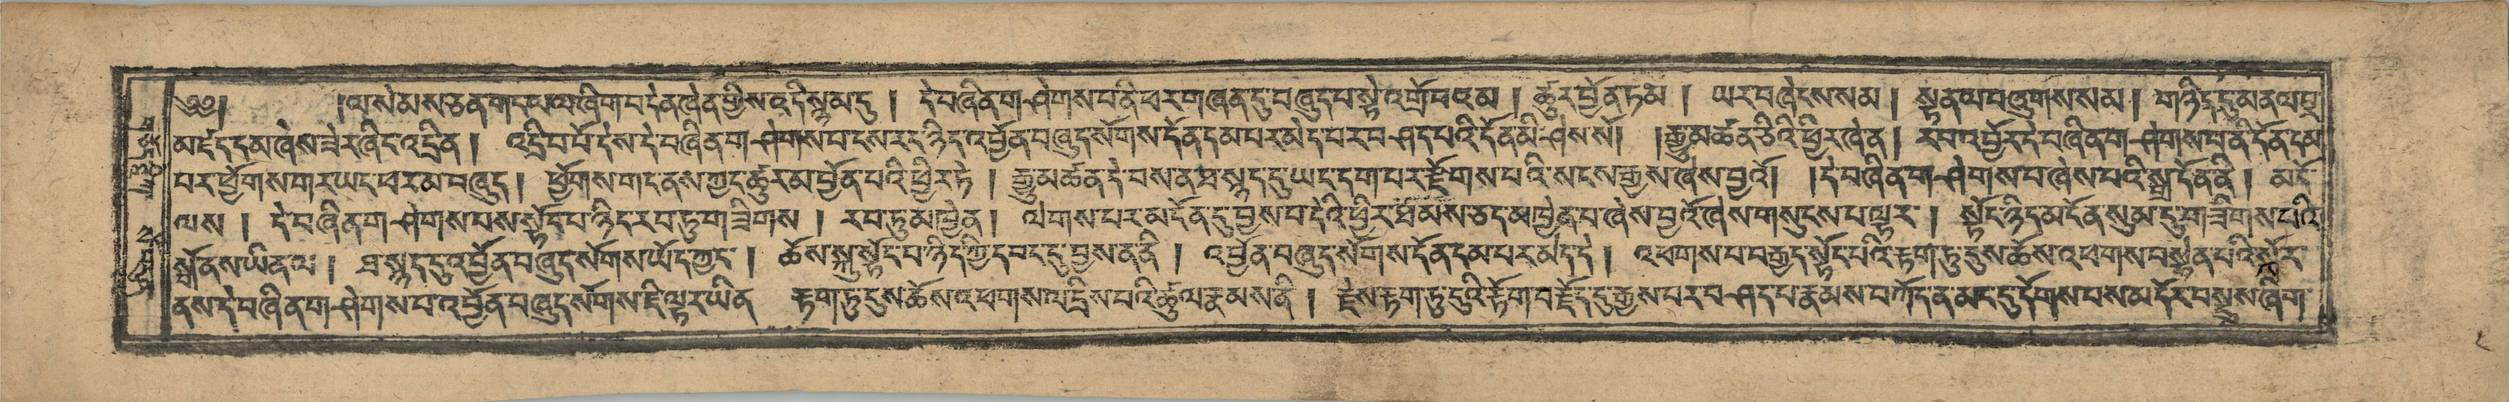༄༅། །ལ་སེམས་ཅན་གང་ལ་ལ་ཞིག་བདེན་ཞེན་གྱིས་འདི་སྙམ་དུ། དེ་བཞིན་གཤེགས་པ་ནི་ཕར་གཞན་དུ་བཞུད་པ་སྟེ་འགྲོ་བའམ། ཚུར་བྱོན་ཏམ། ཡར་བཞེངས་སམ། སྟན་ལ་བཞུགས་སམ། གཉིད་དུ་མནལ་བར་
མཛད་དམ་ཞེས་ཟེར་ཞིང་འདྲི་ན། འདྲི་བ་པོ་དེས་དེ་བཞིན་གཤེགས་པ་ངས་རང་ཉིད་འབྱོན་བཞུད་སོགས་དོན་དམ་པར་མེད་པར་བཤད་པའི་དོན་མི་ཤེས་སོ། །རྒྱུ་མཚན་ཅིའི་ཕྱིར་ཞེ་ན། རབ་འབྱོར་དེ་བཞིན་གཤེགས་པ་ནི་དོན་དམ་
པར་ཕྱོགས་གར་ཡང་ཕར་མ་བཞུད། ཕྱོགས་གང་ནས་ཀྱང་ཚུར་མ་བྱོན་པའི་ཕྱིར་ཏེ། རྒྱུ་མཚན་དེ་བས་ན་ཐ་སྙད་དུ་ཡང་དག་པར་རྫོགས་པའི་སངས་རྒྱས་ཞེས་བྱའོ། །དེ་བཞིན་གཤེགས་པ་ཞེས་པའི་སྒྲ་དོན་ནི། མདོ་
ལས། དེ་བཞིན་གཤེགས་པས་སྟོང་པ་ཉིད་རབ་ཏུ་གཟིགས། རབ་ཏུ་མཁྱེན། ལེགས་པར་མངོན་དུ་བྱས་པ་དེའི་ཕྱིར་ཐམས་ཅད་མཁྱེན་པ་ཞེས་བྱའོ་ཞེས་གསུངས་པ་ལྟར། སྟོང་ཉིད་མངོན་སུམ་དུ་གཟིགས་པའི་
སྒོ་ནས་ཡིན་ལ། ཐ་སྙད་དུ་འབྱོན་བཞུད་སོགས་ཡོད་ཀྱང་། ཆོས་སྐུ་སྟོང་པ་ཉིད་ཀྱི་དབང་དུ་བྱས་ན་ནི། འབྱོན་བཞུད་སོགས་དོན་དམ་པར་མེད་དེ། འཕགས་པ་བརྒྱད་སྟོང་པའི་རྟག་ཏུ་དུས་ཆོས་འཕགས་བསྟེན་པའི་སྐོར་
ནས་དེ་བཞིན་གཤེགས་པ་འབྱོན་བཞུད་སོགས་ཇི་ལྟར་ཡིན་པ་རྟག་ཏུ་དུས་ཆོས་འཕགས་ལ་དྲིས་པའི་ཚུལ་རྣམས་ནི། རྗེས་རྟག་ཏུ་ངུའི་རྟོག་བརྗོད་དུ་རྒྱས་པར་བཤད་པ་རྣམས་བཀོད་ན་མང་དུ་དོགས་པས་མདོར་བསྡུས་ཞིག་